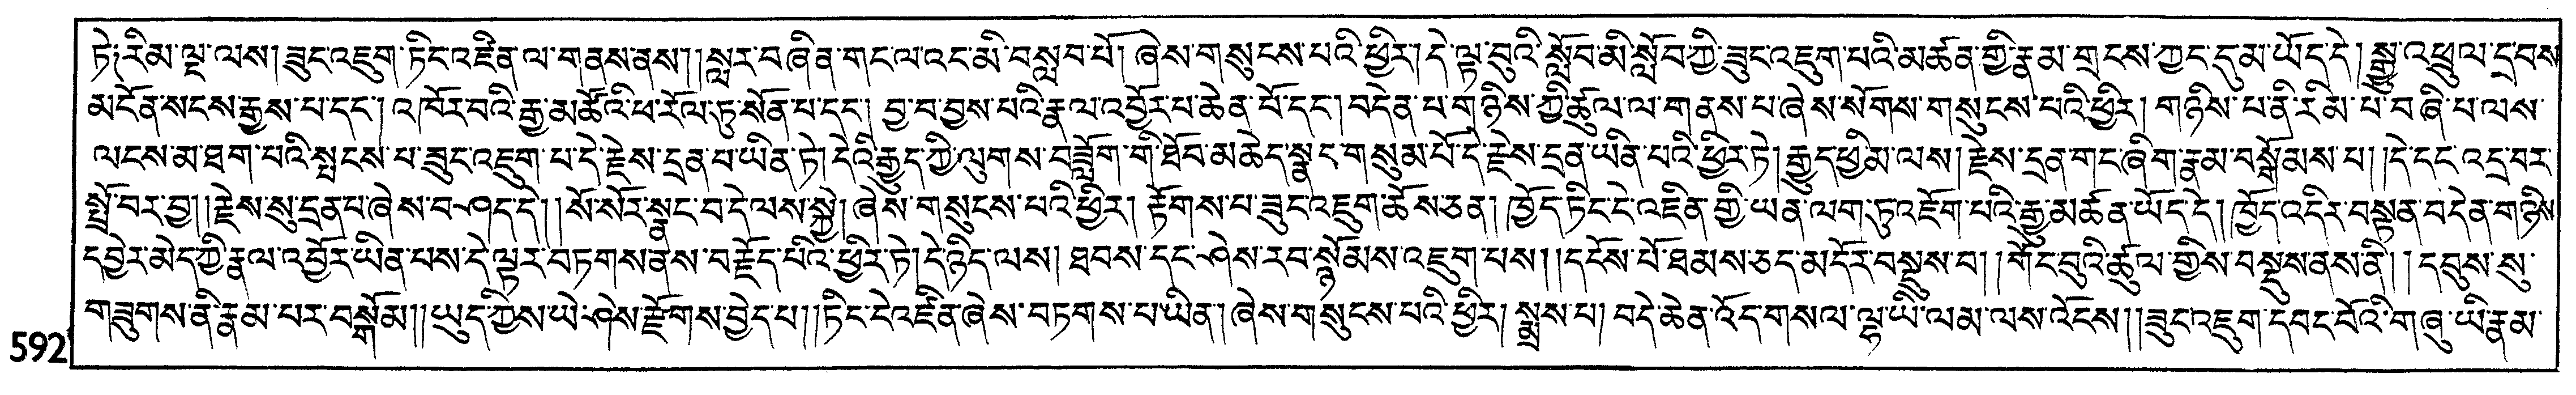ཏེ༑ རིམ་ལྔ་ལས། ཟུང་འཇུག་ཏིང་འཛིན་ལ་གནས་ནས། །སླར་བཞིན་གང་ལ་འང་མི་བསླབ་པོ། ཞེས་གསུངས་པའི་ཕྱིར། དེ་ལྟ་བུའི་སློབ་མི་སློབ་ཀྱི་ཟུང་འཇུག་པའི་མཚན་གྱི་རྣམ་གྲངས་ཀྱང་དུ་མ་ཡོད་དེ། སྒྱུ་འཕྲུལ་དྲ་བས་
མངོན་སངས་རྒྱས་པ་དང་། འཁོར་བའི་རྒྱ་མཚོའི་ཕ་རོལ་ཏུ་སོན་པ་དང་། བྱ་བ་བྱས་པའི་རྣལ་འབྱོར་པ་ཆེན་པོ་དང་། བདེན་པ་གཉིས་ཀྱི་ཚུལ་ལ་གནས་པ་ཞེས་སོགས་གསུངས་པའི་ཕྱིར། གཉིས་པ་ནི་རིམ་པ་བཞི་པ་ལས་
ལངས་མ་ཐག་པའི་སྤངས་པ་ཟུང་འཇུག་པ་དེ་རྗེས་དྲན་པ་ཡིན་ཏེ། དེའི་རྒྱུད་ཀྱི་ལུགས་བཟློག་གི་ཐོབ་མཆེད་སྣང་གསུམ་པོ་དེ་རྗེས་དྲན་ཡིན་པའི་ཕྱིར་ཏེ། རྒྱུད་ཕྱི་མ་ལས། རྗེས་དྲན་གང་ཞིག་རྣམ་བསྒོམས་པ། །དེ་དང་འདྲ་བར་
སྤྲོ་བར་བྱ། །རྗེས་སུ་དྲན་པ་ཞེས་བཤད་དེ། །སོ་སོར་སྣང་བ་དེ་ལས་སྐྱེ། ཞེས་གསུངས་པའི་ཕྱིར། རྟོགས་པ་ཟུང་འཇུག་ཆོས་ཅན། ཁྱོད་ཏིང་ངེ་འཛིན་གྱི་ཡན་ལག་ཏུ་འཇོག་པའི་རྒྱུ་མཚན་ཡོད་དེ། ཁྱོད་འདིར་བསྟན་བདེན་གཉིས་
དབྱེར་མེད་ཀྱི་རྣལ་འབྱོར་ཡིན་པས་དེ་ལྟར་བཏགས་ནས་བརྗོད་པའི་ཕྱིར་ཏེ། དེ་ཉིད་ལས། ཐབས་དང་ཤེས་རབ་སྙོམས་འཇུག་པས། །དངོས་པོ་ཐམས་ཅད་མདོར་བསྡུས་བ། །གོང་བུའི་ཚུལ་གྱིས་བསྡུས་ནས་ནི། །དབུས་སུ་
གཟུགས་ནི་རྣམ་པར་བསྒོམ། །ཡུད་ཀྱིས་ཡེ་ཤེས་རྫོགས་བྱེད་པ། །ཏིང་ངེ་འཛིན་ཞེས་བཏགས་པ་ཡིན། ཞེས་གསུངས་པའི་ཕྱིར། སྨྲས་པ། བདེ་ཆེན་འོད་གསལ་ལྷ་ཡི་ལམ་ལས་འོངས། །ཟུང་འཇུག་དབང་བོའི་གཞུ་ཡི་རྣམ་